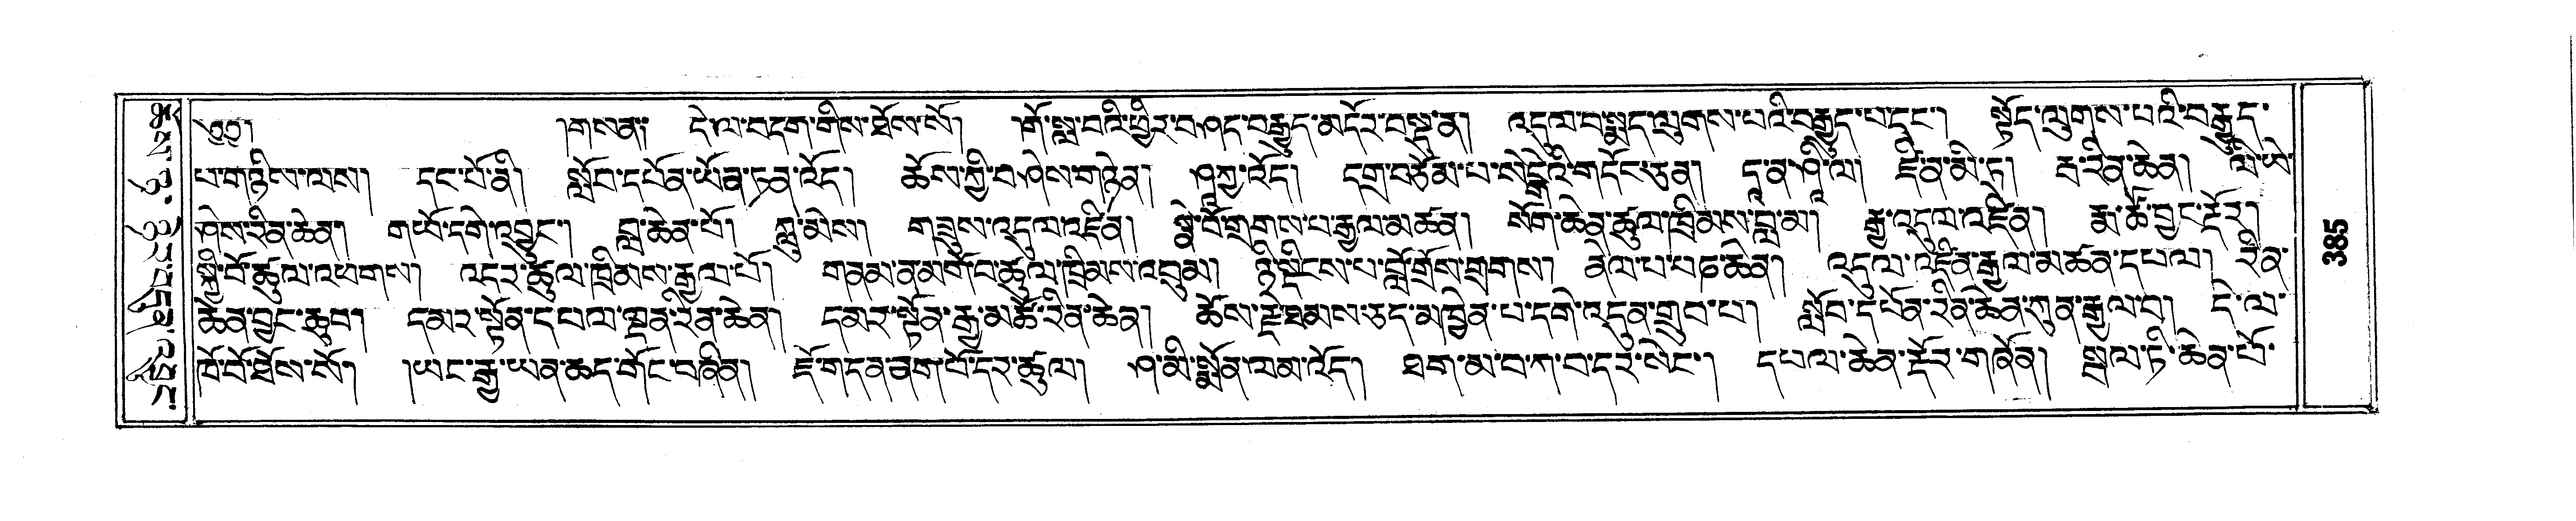༄༅། །གསན༑ དེ་ལ་བདག་གིས་ཐོས་སོ། །གོ་སླ་བའི་ཕྱིར་བཤད་བརྒྱུད་མདོར་བསྡུ་ན། འདུལ་བ་སྨད་ལུགས་པའི་བརྒྱུད་པ་དང་། སྟོད་ལུགས་པའི་བརྒྱུད་
པ་གཉིས་ལས། དང་པོ་ནི། སློབ་དཔོན་ཡོན་ཏན་འོད། ཆོས་ཀྱི་བཤེས་གཉེན། ཤཱཀྱ་འོད། དགྲ་བཅོམ་པ་སེངྒེའི་གདོང་ཅན། དཱ་ན་ཤཱི་ལ། ཛི་ན་མི་ཏ། རྦ་རིན་ཆེན། ལི་ཡེ་
ཤེས་རིན་ཆེན། གཡོ་དགེ་འབྱུང་། བླ་ཆེན་པོ། ཀླུ་མེས། གཟུས་འདུལ་འཛིན། སྣེ་བོ་གྲགས་པ་རྒྱལ་མཚན། སོག་ཆེན་ཚུལ་ཁྲིམས་བླ་མ། རྒྱ་འདུལ་འཛིན། རྨ་ཚོ་བྱང་རྡོར།
སྐྱི་བོ་ཚུལ་འཕགས། འདར་ཚུལ་ཁྲིམས་རྒྱལ་པོ། གནམ་ན་མགོ་བ་ཚུལ་ཁྲིམས་འབུམ། ཉི་སྡིངས་པ་བློ་གྲོས་གྲགས། ནེལ་པ་པཎ་ཆེན། འདུལ་འཛིན་རྒྱལ་མཚན་དཔལ། རིན་
ཆེན་བྱང་ཆུབ། དམར་སྟོན་དཔལ་ལྡན་རིན་ཆེན། དམར་སྟོན་རྒྱ་མཚོ་རིན་ཆེན། ཆོས་རྗེ་ཐམས་ཅད་མཁྱེན་པ་དགེ་འདུན་གྲུབ་པ། སློབ་དཔོན་རིན་ཆེན་ཀུན་རྒྱལ་བ། དེ་ལ་
ཁོ་བོ་ཐོས་སོ། །ཡང་རྒྱ་ཡན་ཆད་གོང་བཞིན། ཇོ་གདན་ནག་པོ་དར་ཚུལ། ཤ་མི་སྨོན་ལམ་འོད། ཐག་མ་བ་ཀ་བ་དར་སེང་། དཔལ་ཆེན་རྡོར་གཞོན། སྦལ་ཏི་ཆེན་པོ་